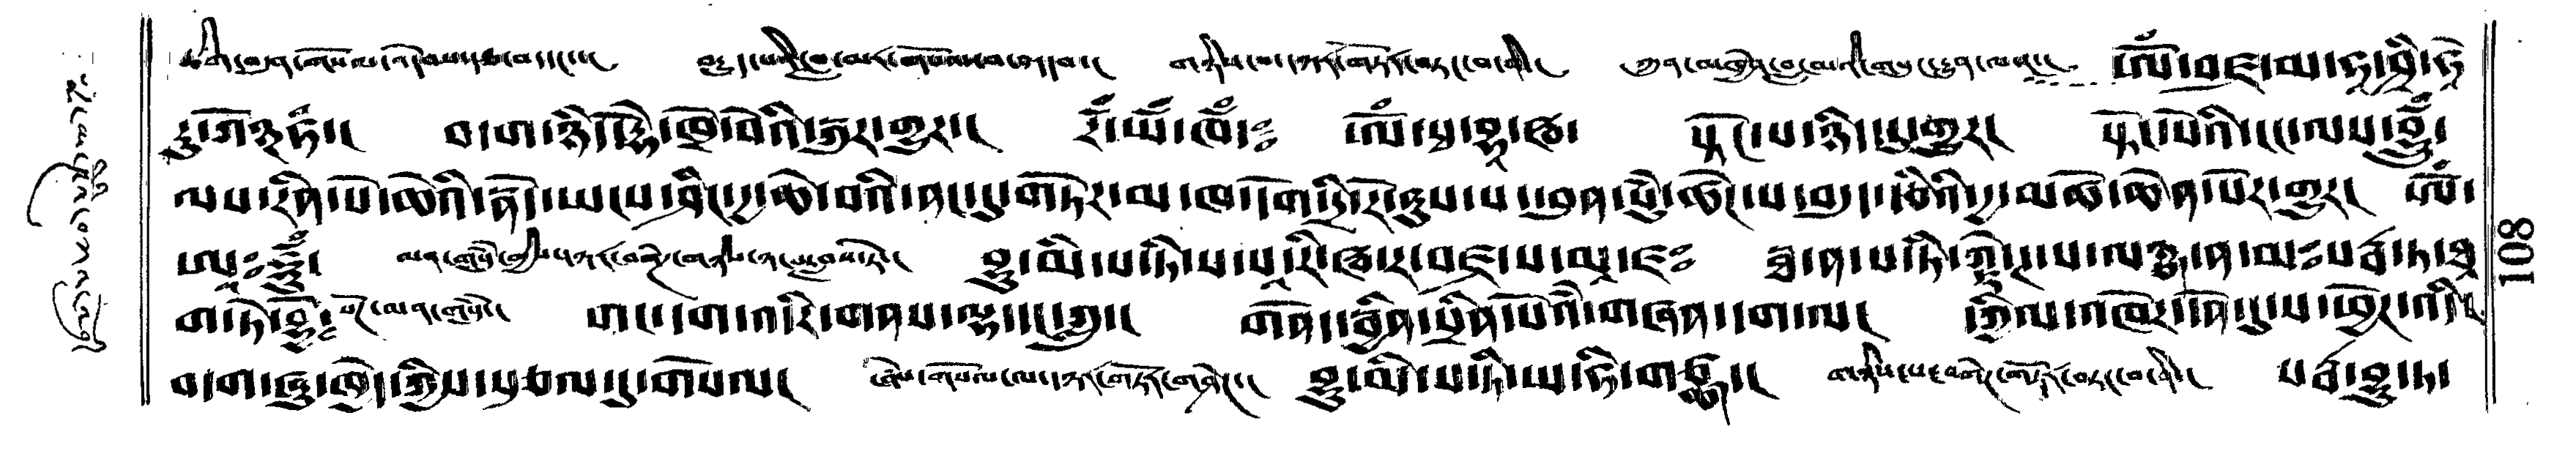། ཚིག་བདུན་གསོལ་འདེབས་རྩ་བ་དང་། བརྒྱུད་པའི་བླ་མར་གསོལ་བ་གདབ། །གཉིས་པ་དཀར་གཏོར་གཏོང་བ་ནི། །ཀུན་མཁྱེན་བླ་མའི་གསུང་རྒྱུན་ལ། ཨོཾ་བཛྲ་མ་ཧཱ་ཤྲི་ཧེ་
རུ་ཀོཉྲཧཾ། བདག་ཉིད་རྡོ་རྗེ་ཁྲོ་བོའི་སྐུར་གྱུར། རྃ་ཡྃ་ཁྃ། ཨོཾ་སྭ་བྷཱ་ཝ་སོགས། སྟོང་པ་ཉིད་དུ་གྱུར། སྟོང་པའི་ངང་ལས་བྷྲུྃ་
ལས་རིན་པོ་ཆེའི་སྣོད་ཡངས་ཤིང་རྒྱ་ཆེ་བའི་ནང་དུ་གཏོར་མ་ཁ་དོག་དྲི་རོ་ནུས་པ་ཕུན་སུམ་ཚོགས་པ་བདུད་རྩིའི་རྒྱ་མཚོ་ཆེན་པོར་གྱུར། ཨོཾ་
ཨཱ༔ཧཱུྃ། ལན་གསུམ་གྱི་སདཀར་བགེགས་གཉིས་ཀ་བརླབས་ཏེ། བྷུ་མི་པ་ཏི་ས་པཱ་རི་ཝ་ར་བཛྲ་ས་མཱ་ཛ། སྠ་ན་པ་ཏི་ཀྵེ་ཊ་པ་ལཉྩ་ན་མཿསརྦ་ཏ་ཐཱ་
ག་ཏེ་བྷྱོ༴ སོགས་ལན་གསུམ། གང་དག་འདིར་གནས་ལྷ་དང་ཀླུ། །གནོད་སྦྱིན་སྲིན་པོའམ་གཞན་དག་ལ། །དཀྱིལ་འཁོར་དོན་དུ་ས་ཕྱོགས་འདི། །
བདག་ཞུ་ཁྱེད་ཀྱིས་སྩལ་དུ་གསོལ། ། ཞེས་གསོལ་ལ་དཀར་གཏོར་གཤེགས། བྷུ་མི་པ་ཏི་ཡ་ཧི་གཙྪ། གཉིས་པ་བགེགས་གཏོར་གཏོང་བ་ནི། སརྦ་བྷུ་ཏ་